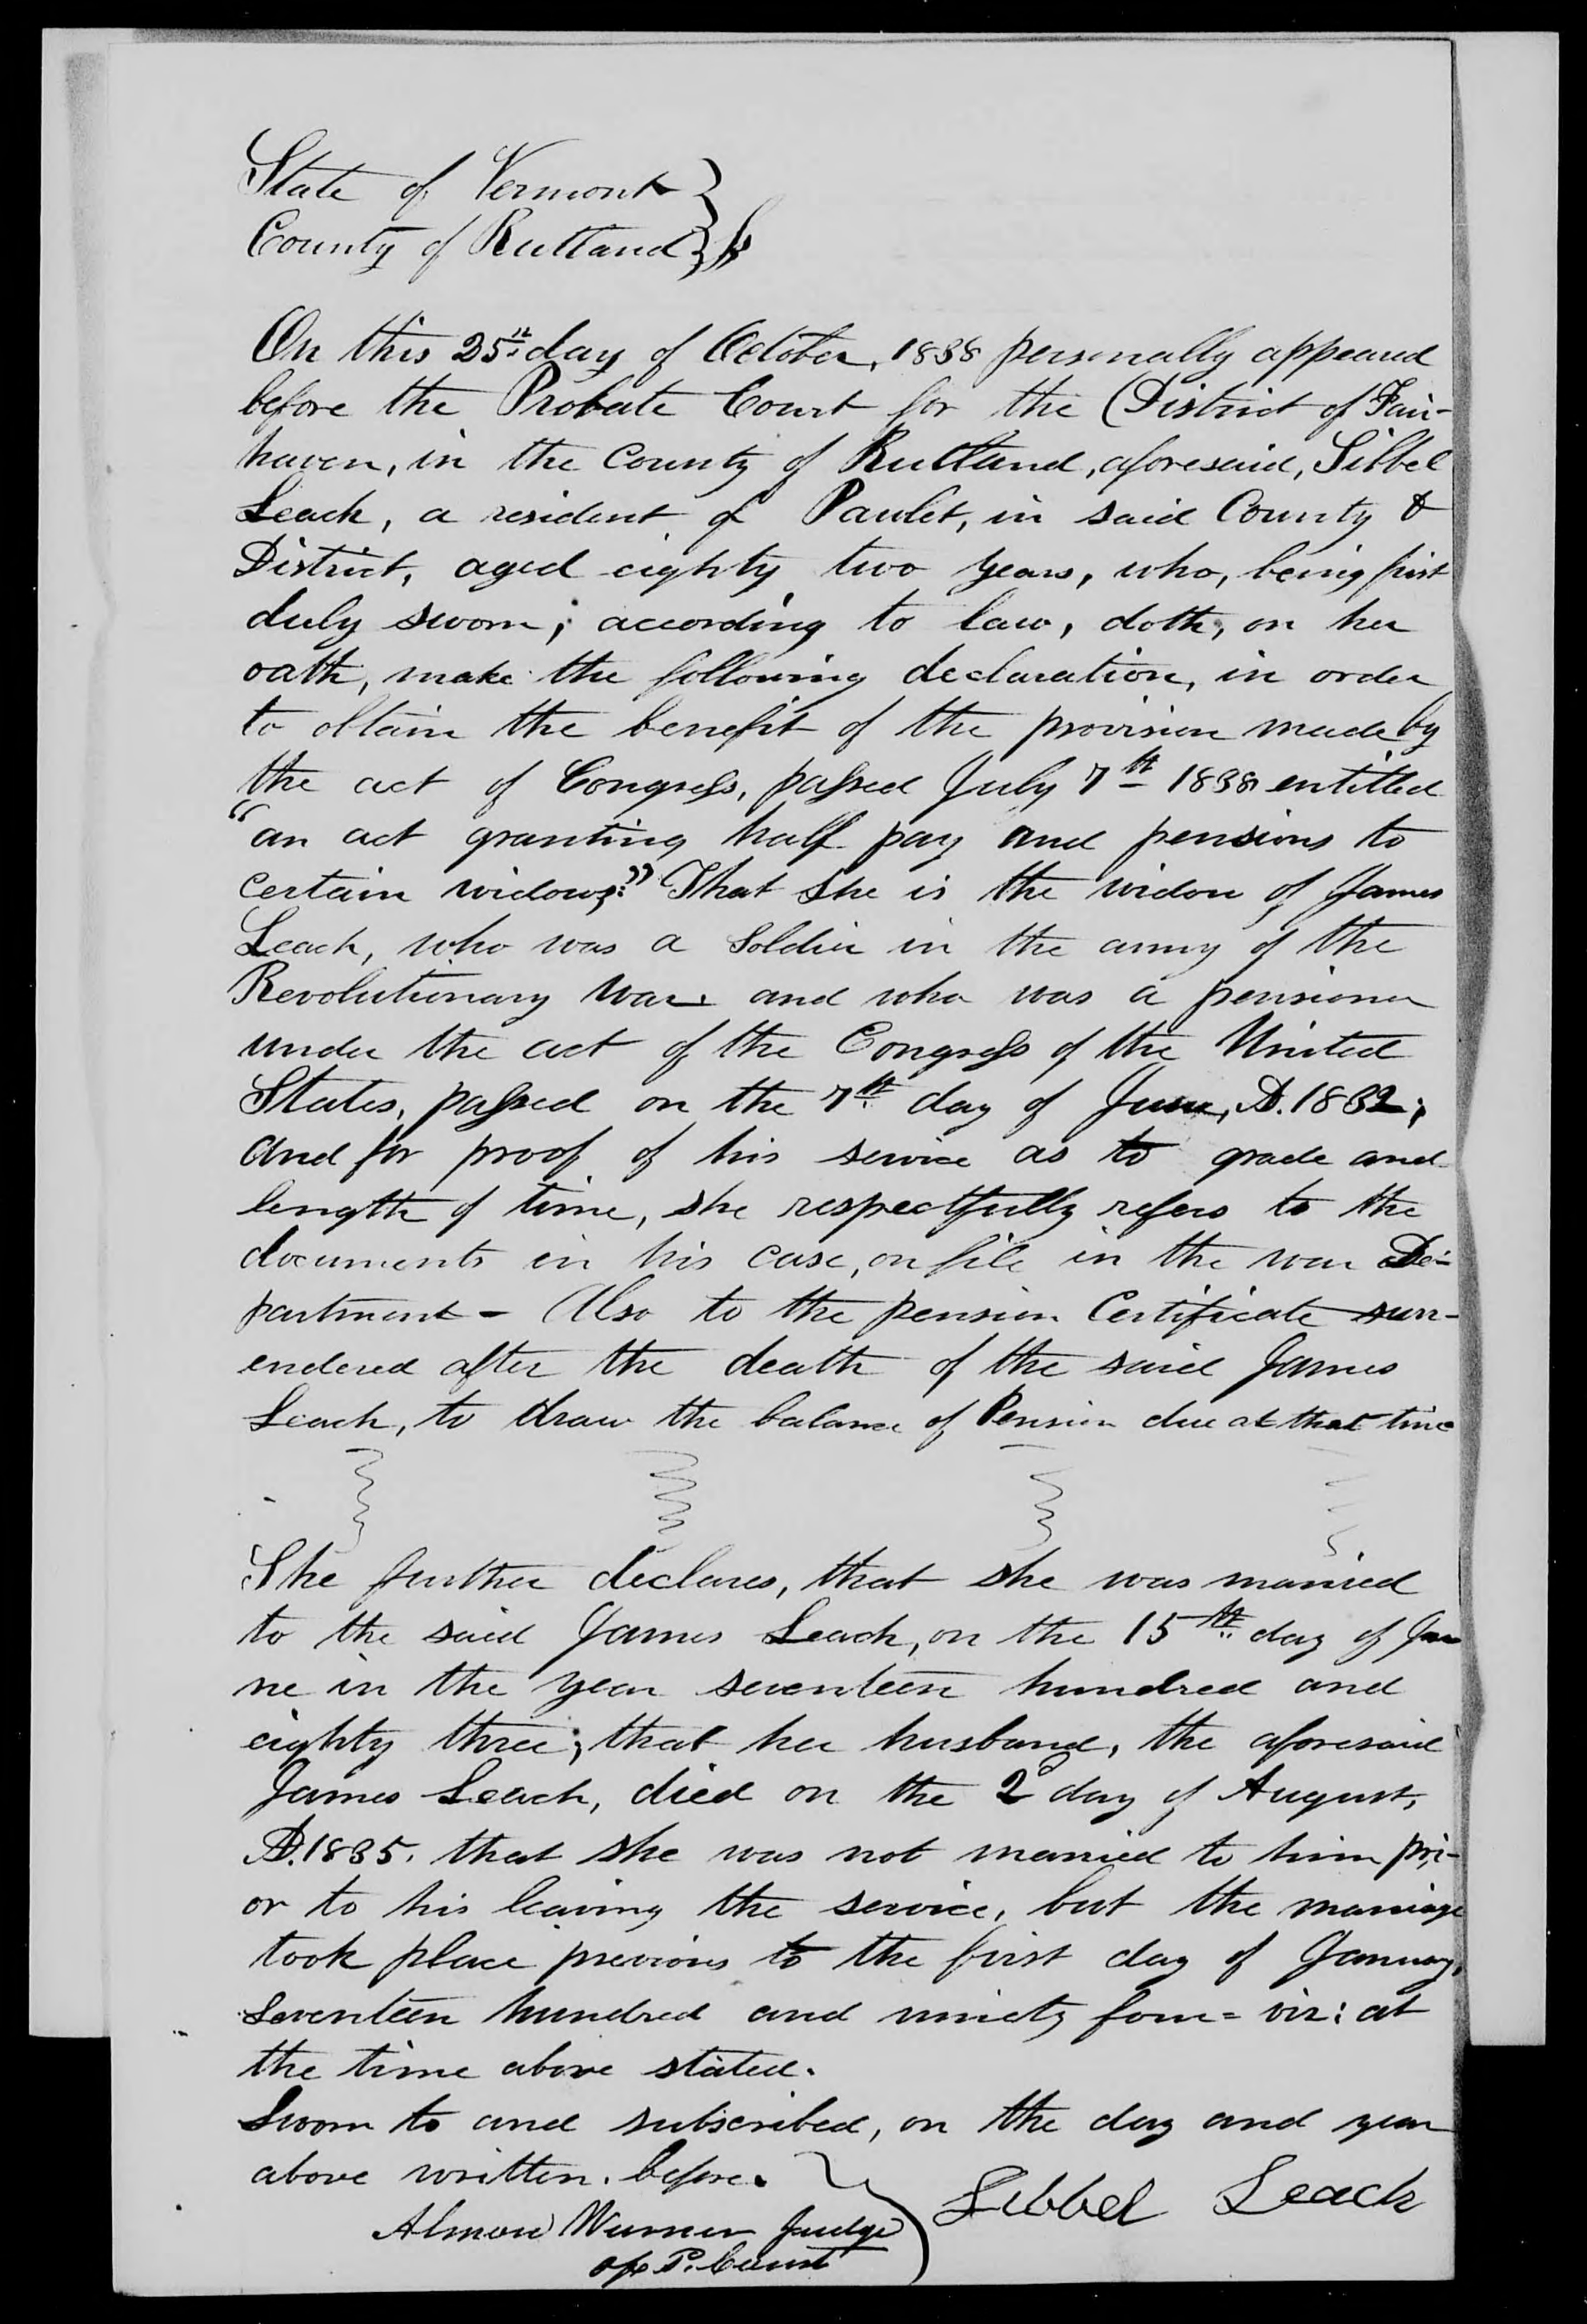State of Vermont
County of Rutland Ss.
On this 25th day of October, 1838 personally appeared before the Probate Court for the District of Fairhaven in the County of Rutland, aforesaid, Sibbel Leach, a resident of Pawlet, in said County & District, aged eighty two years, who being first duly sworn, according to law, doth, on her oath, make the following declaration in order to obtain the benefit of the provision made by the act of Congress passed July 7th 1838 entitled "an act granting half pay and pensions to certain widows". That she is the widow of James Leach, who was a soldier in the army of the Revolutionary war and who was a pensioner under the act of the Congress of the United States passed on the 7th day of June 1832, and her proof of his service as to grade and length of time, she respectfully refers to the documents in his case on file in the War Department - Also to the pension certificate surrendered after the death of the said James Leach to draw the balance of Pension due at that time.

She further declares, that she was married to the said James Leach on the 15th day of June in the year seventeen hundred and eighty three; that her husband the aforesaid James Leach died on the 2nd day of August 1835, that she was not married to him prior to his leaving the service, but the marriage took place previous to the first day of January seventeen hundred and ninety four - at the time above stated.
Sworn to and subscribed on the day and year above written before
Sibbel Leach
Almon Warner
Judge of Probate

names: Almon Warner; Sibbel Leach; James Leach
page: 18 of 27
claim: widow's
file: W. 24,500, for James Leach, Connecticut